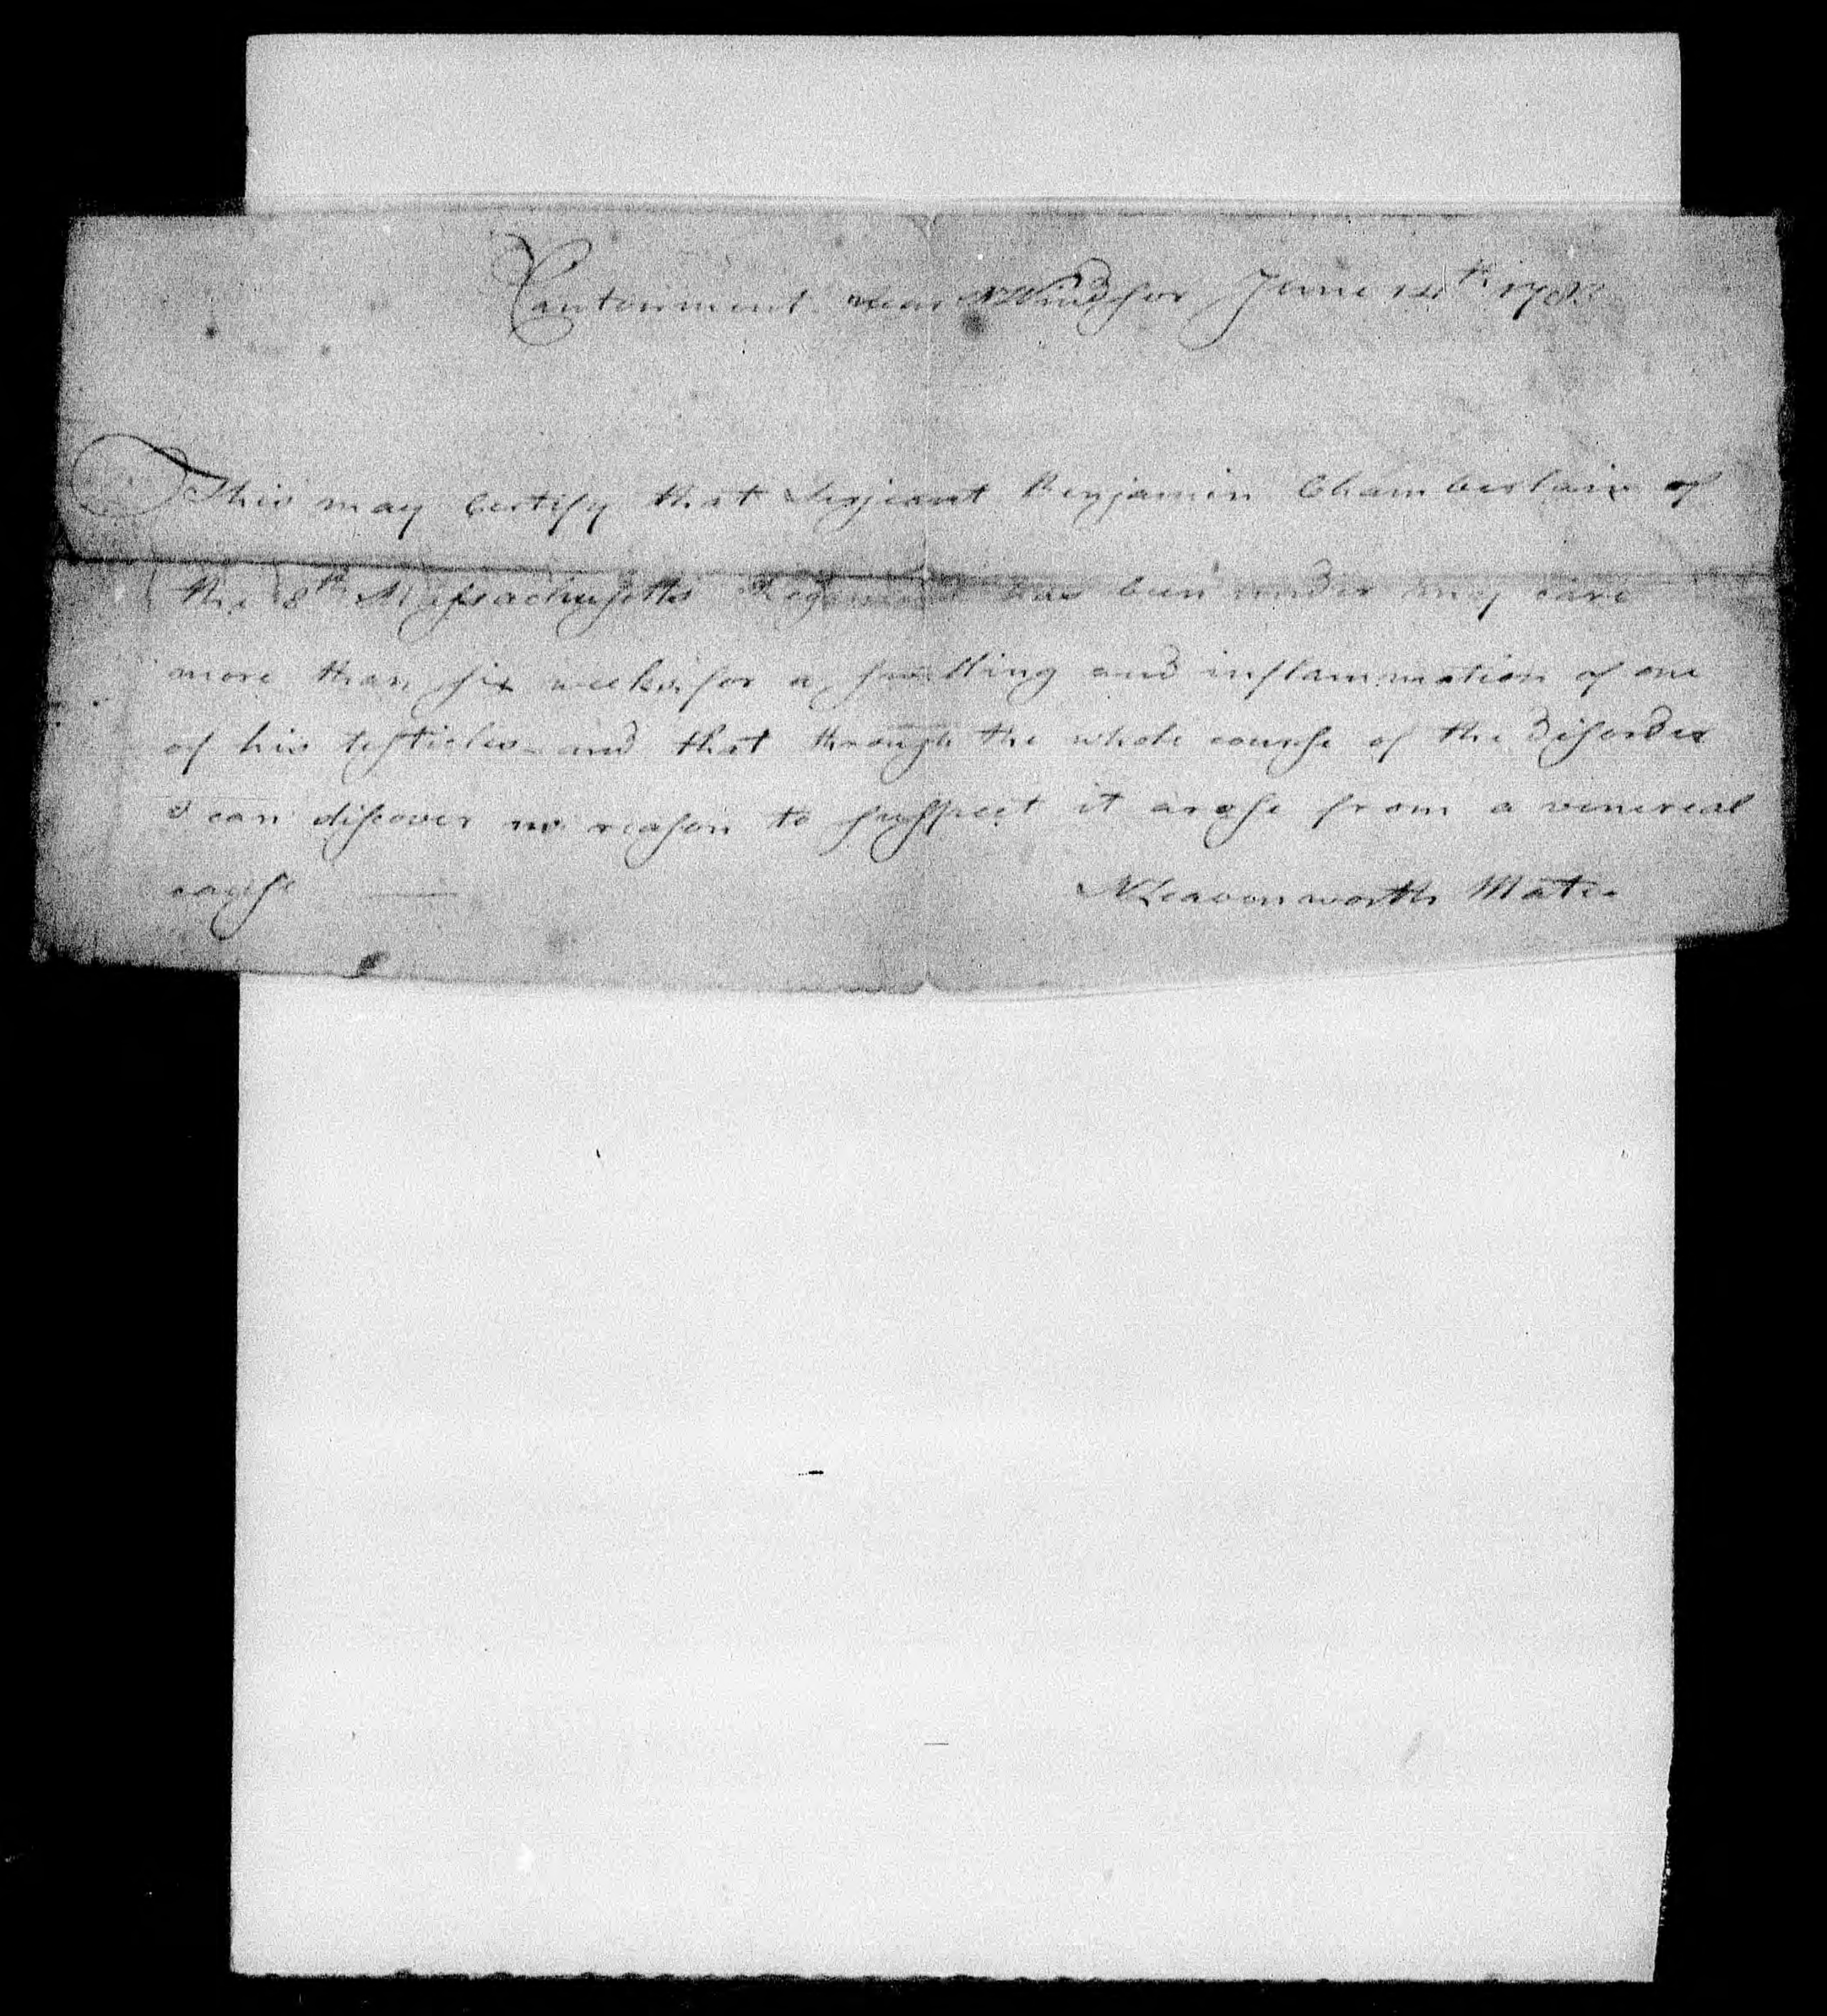This may certify that Sergeant Benjamin Chamberlain of the 8th Massachusetts Regiment has been under my care more than six weeks for a swelling and inflammation of one of his testicles and that through the whole course of the disease I can discover no reason to suspect it arose from a venereal cause
N Leavenworth Matas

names: Benjamin Chamberlain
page: 11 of 30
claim: survivor's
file: S. 39306, Benjamin Chamberlin, Mass.